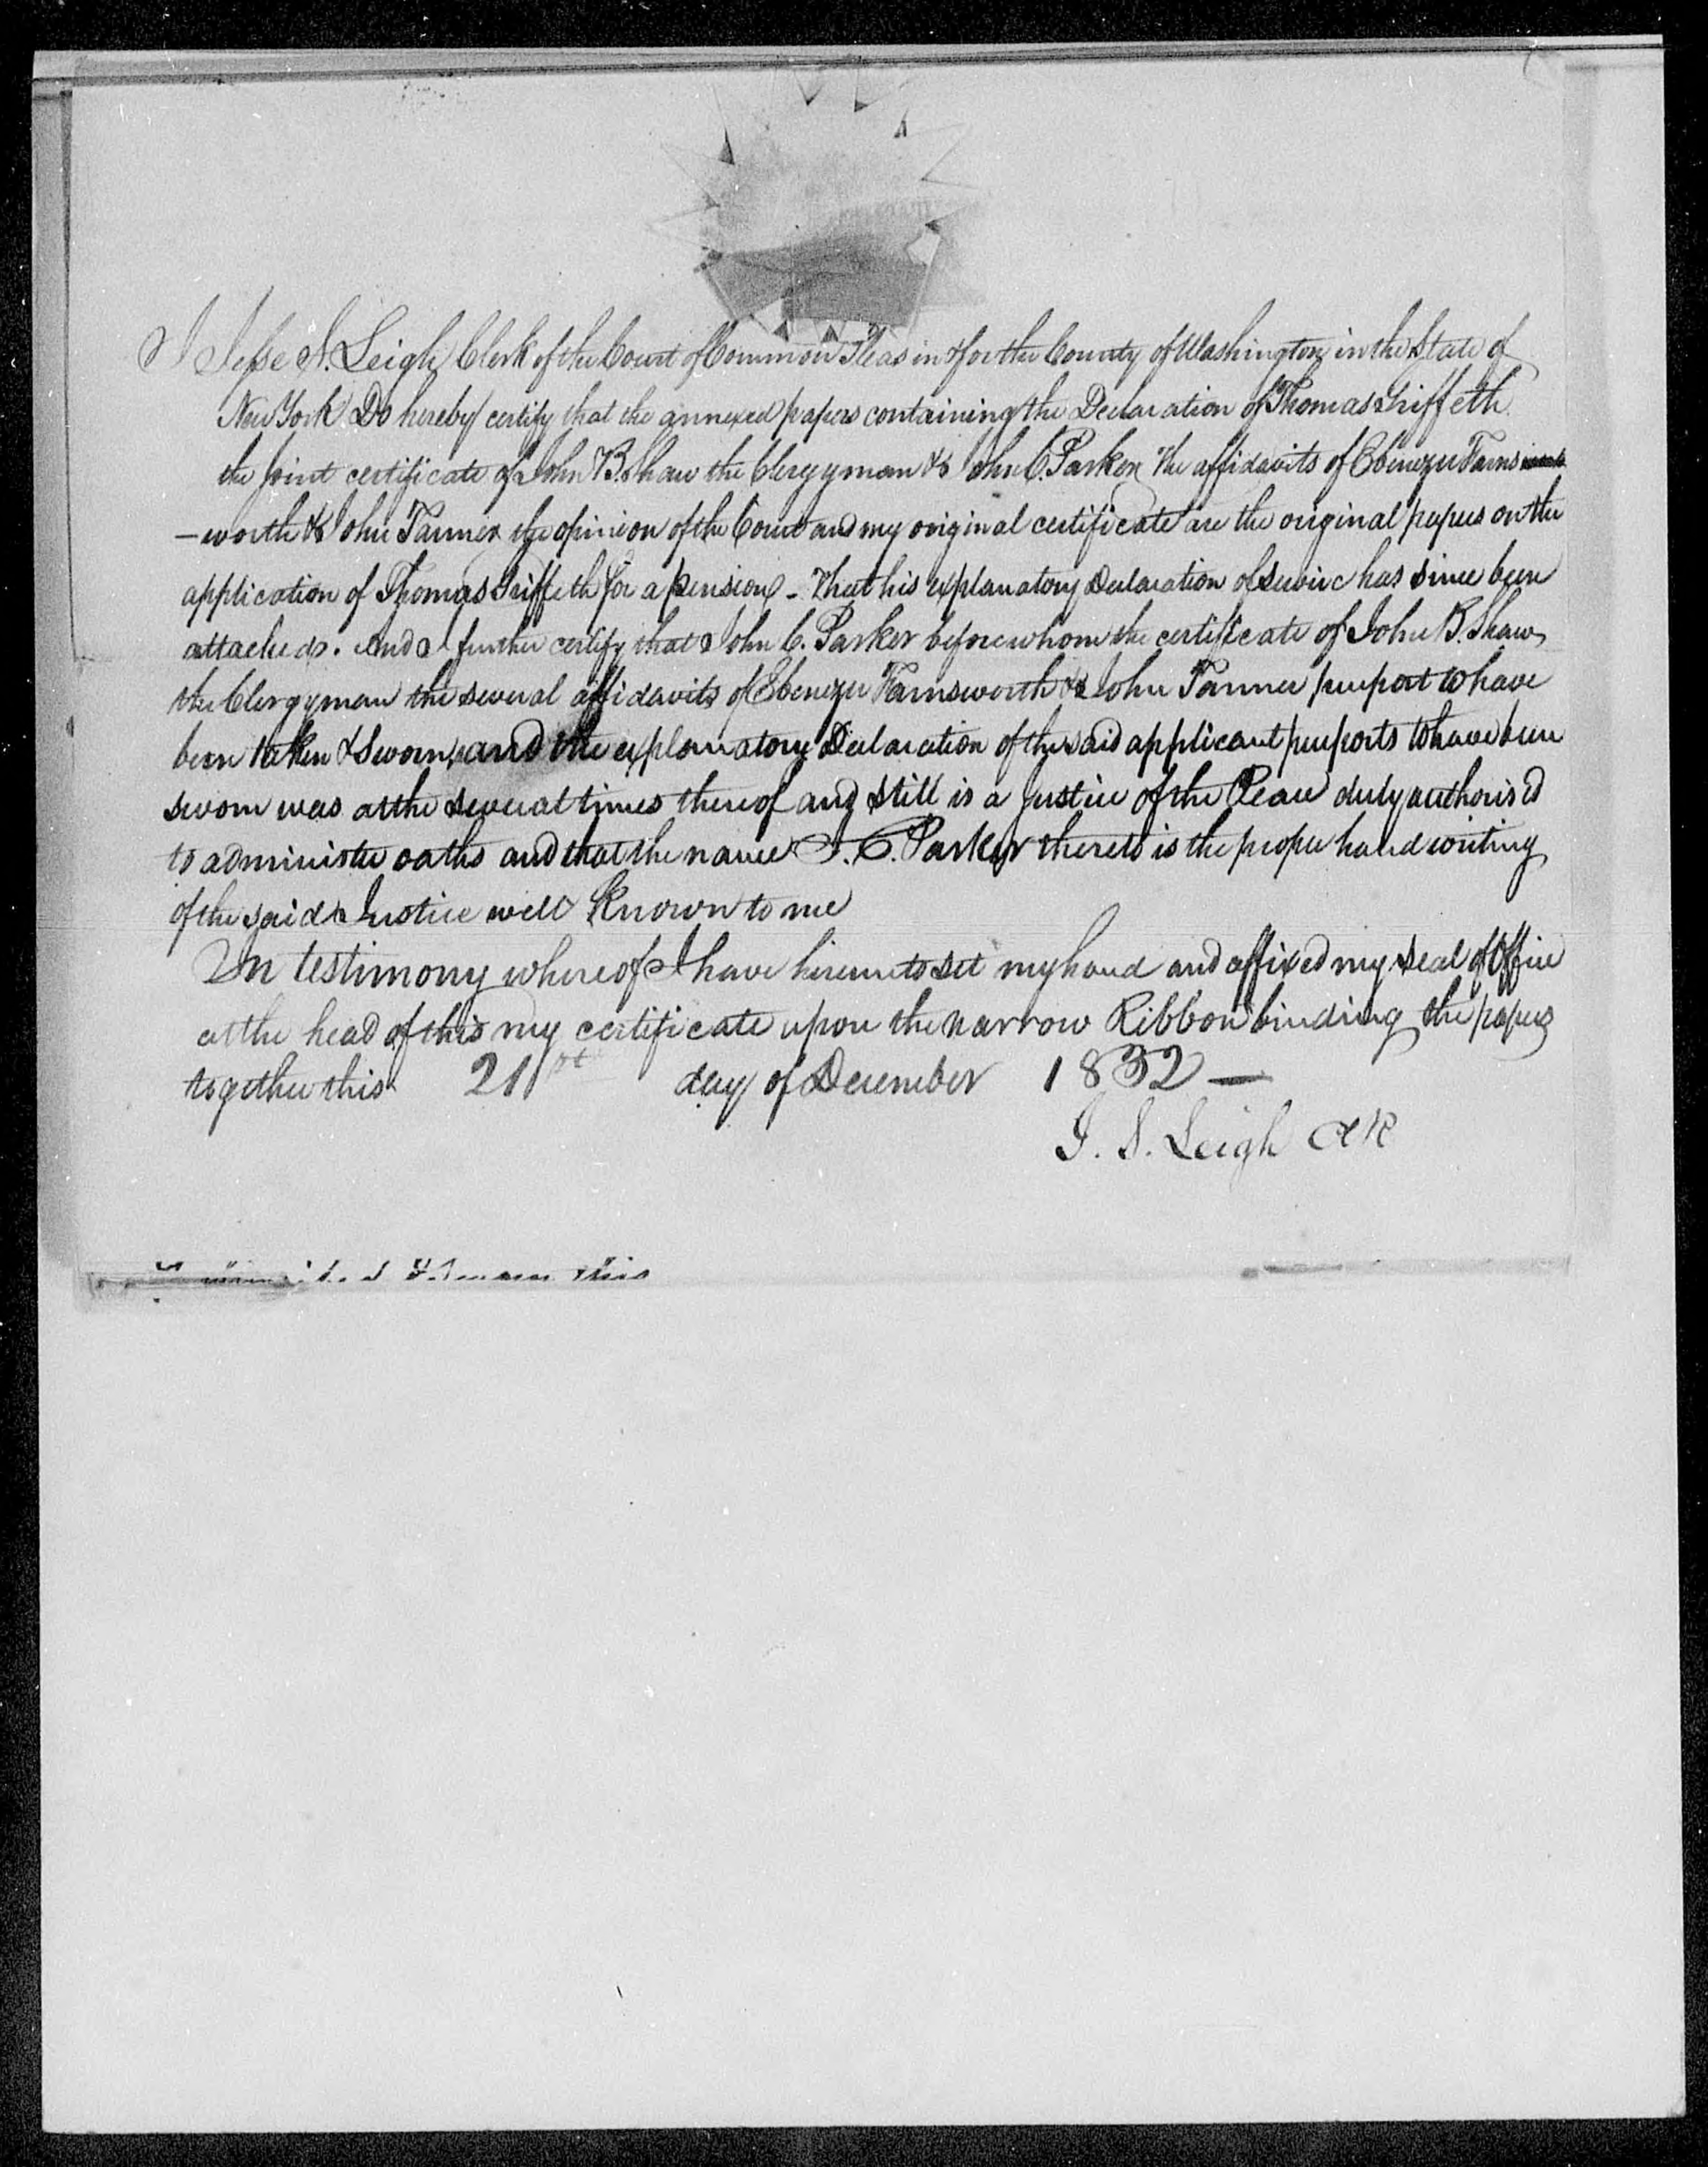I Jesse S. Leigh Clerk of the Court of Common Pleas in & for the County of Washington in the State of New York do hereby certify that the annexed papers containing the declaration of Thomas Griffith the Joint certificate of John B Shaw the Clergyman & John C. Parker the affidavits of Ebenezer Farnsworth & John Tanner the opinion of the Court and my original certificate are the original papers on the application of Thomas Griffith for a pension. That his explanatory declaration of service has since been attached. And I further certify that John C. Parker before whom the certificate of John B Shaw the clergyman the several affidavits of Ebenezer Farnsworth & John Tanner purport to have been taken & sworn and the explanatory declaration of the said applicant purports to have been sworn was at the several times thereof and still is a Justice of the Peace duly authorised to administer oaths and that the name J. C. Parker thereof is the proper handwriting of the said Justice well known to me

In testimony whereof I have hereunto set my hand and affixed my seal of office at the head of this my certificate upon the narrow ribbon binding the papers together this 21st day of December 1832.
I. S. Leigh Clk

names: John Tanner, Ebenezer Farris, Jesse S Leigh, John B Shaw, John C Parker, J C Parker, John Tanner, Ebenezer Farnsworth, Thomas Griffeth, John C Parker, John Bohan, Thomas Griffith, J S Leigh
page: 4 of 14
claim: survivor's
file: S. 23663, Thomas Griffith, New York Vt.